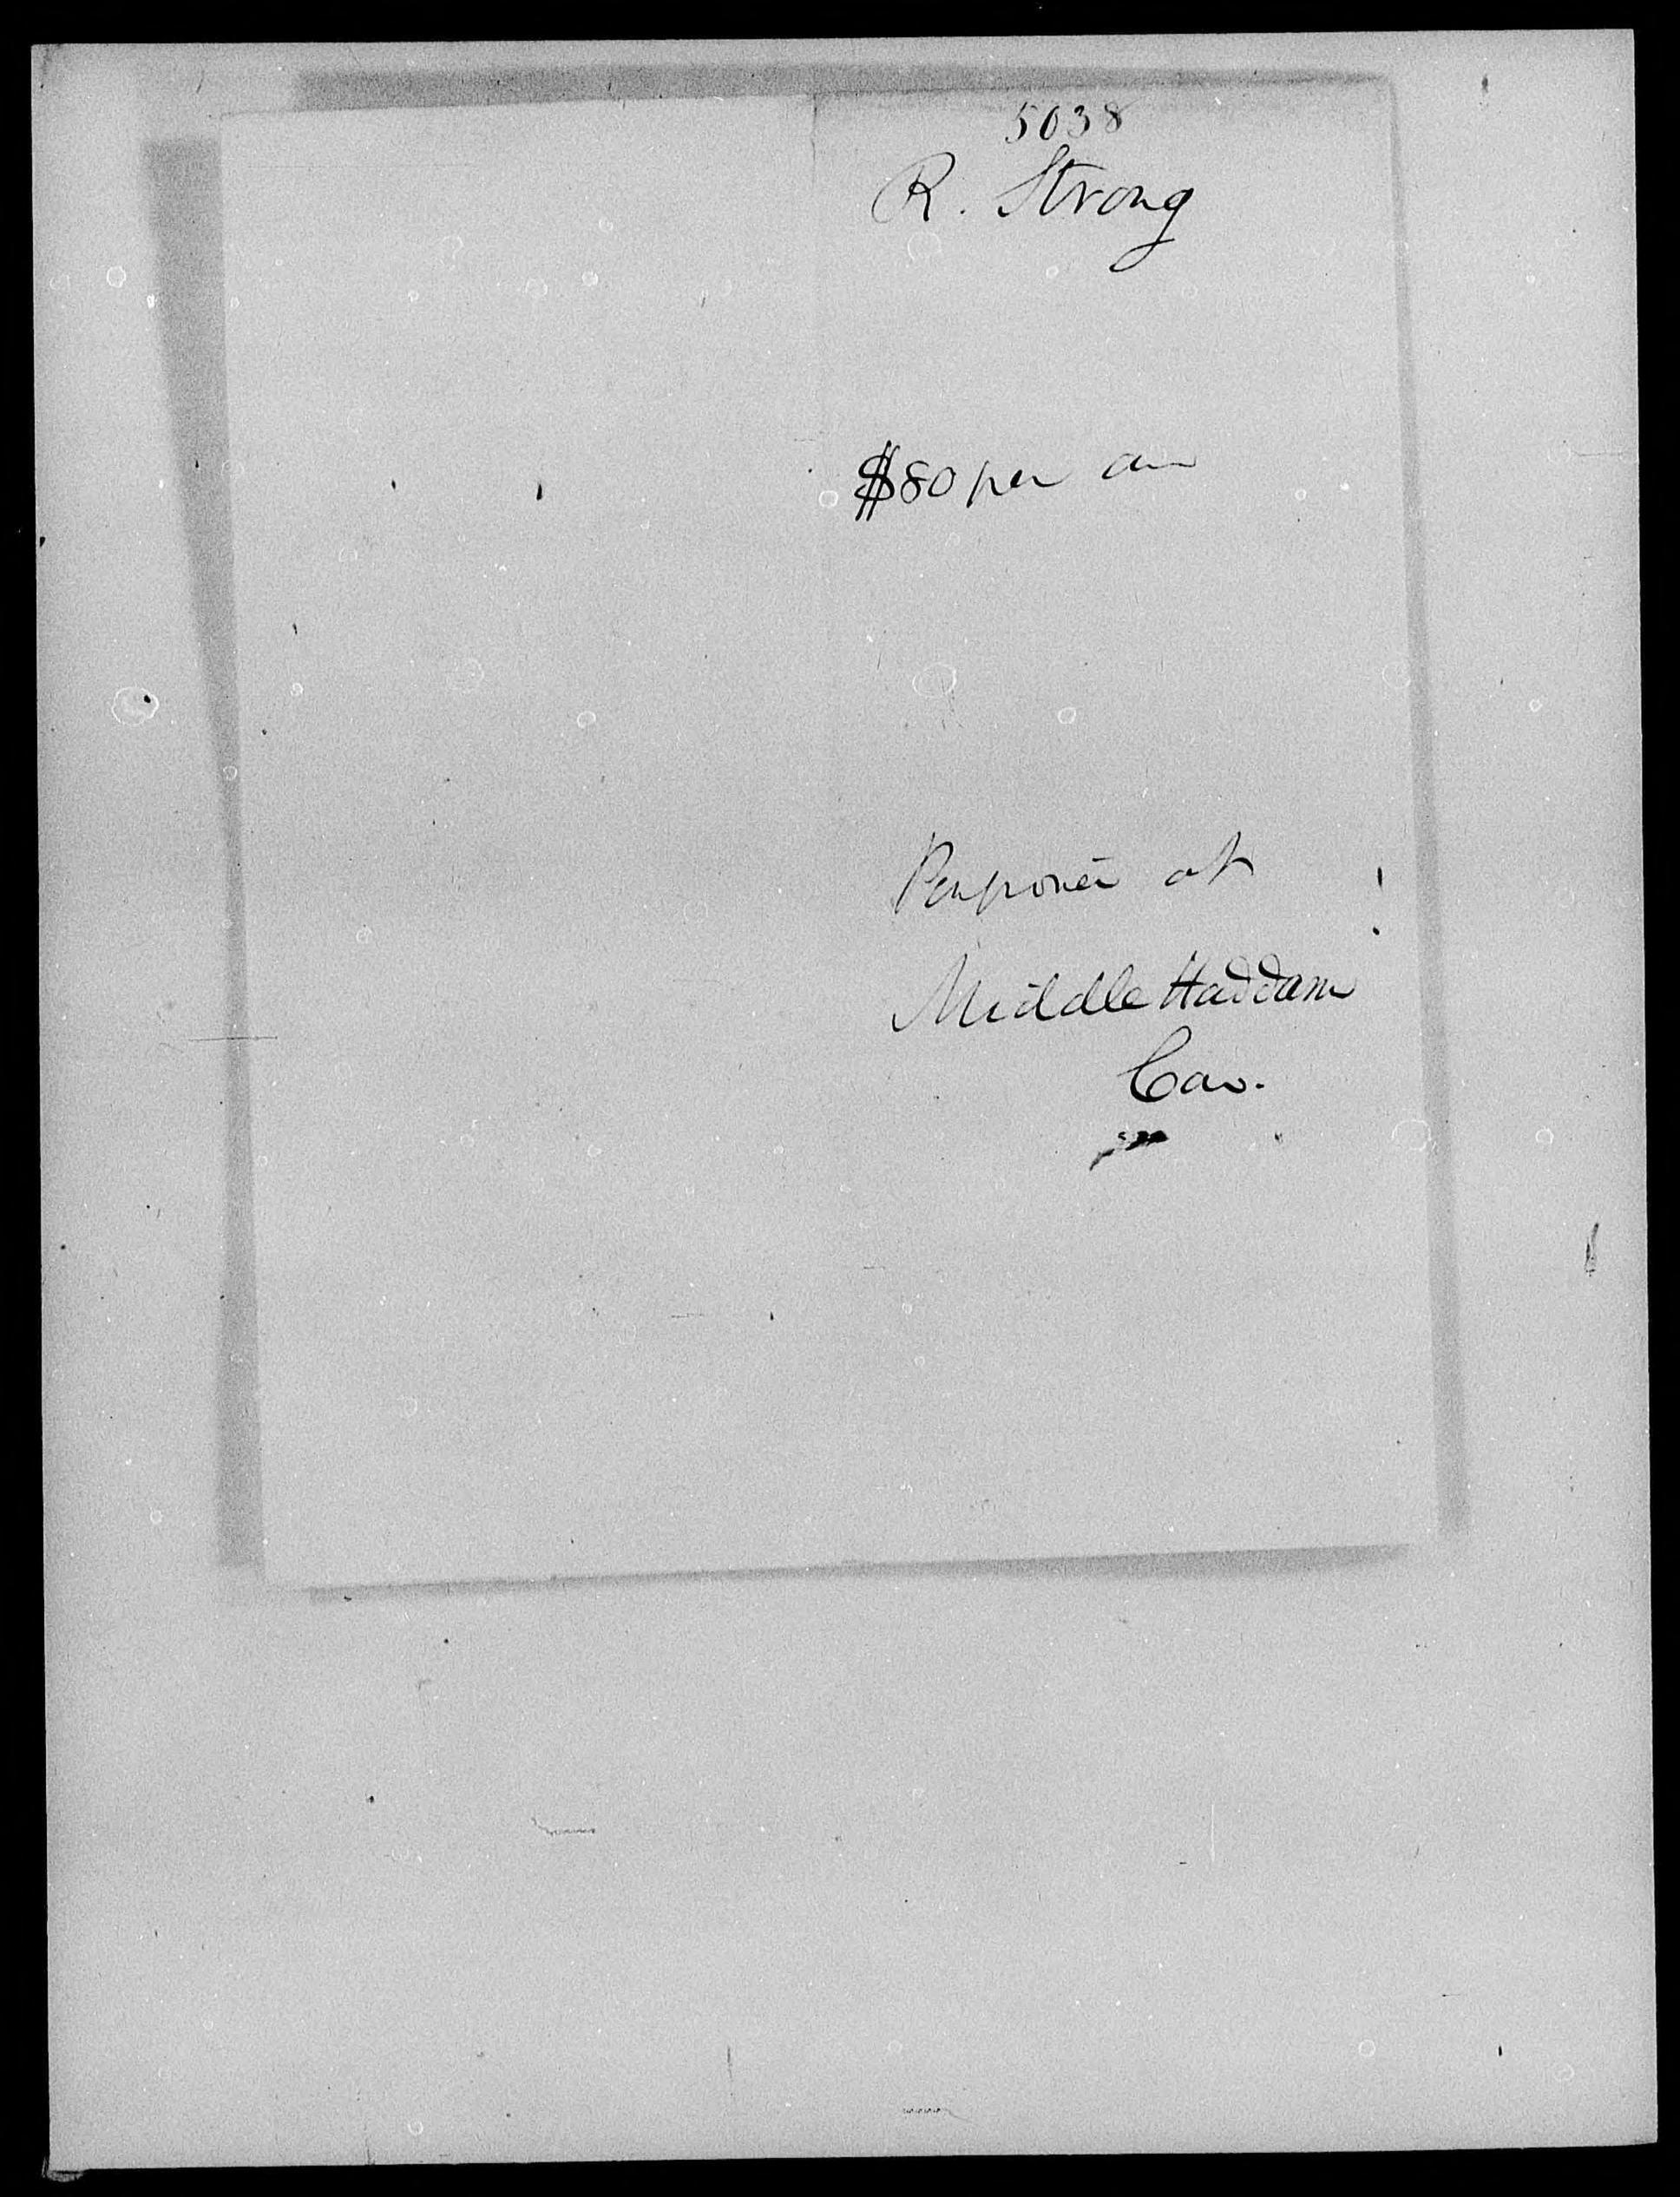5038
R. Strong

$80 per an

Pensioner at
Middle Haddam
Con.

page: 44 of 47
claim: widow's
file: W. 17879, for Seth Strong, Connecticut